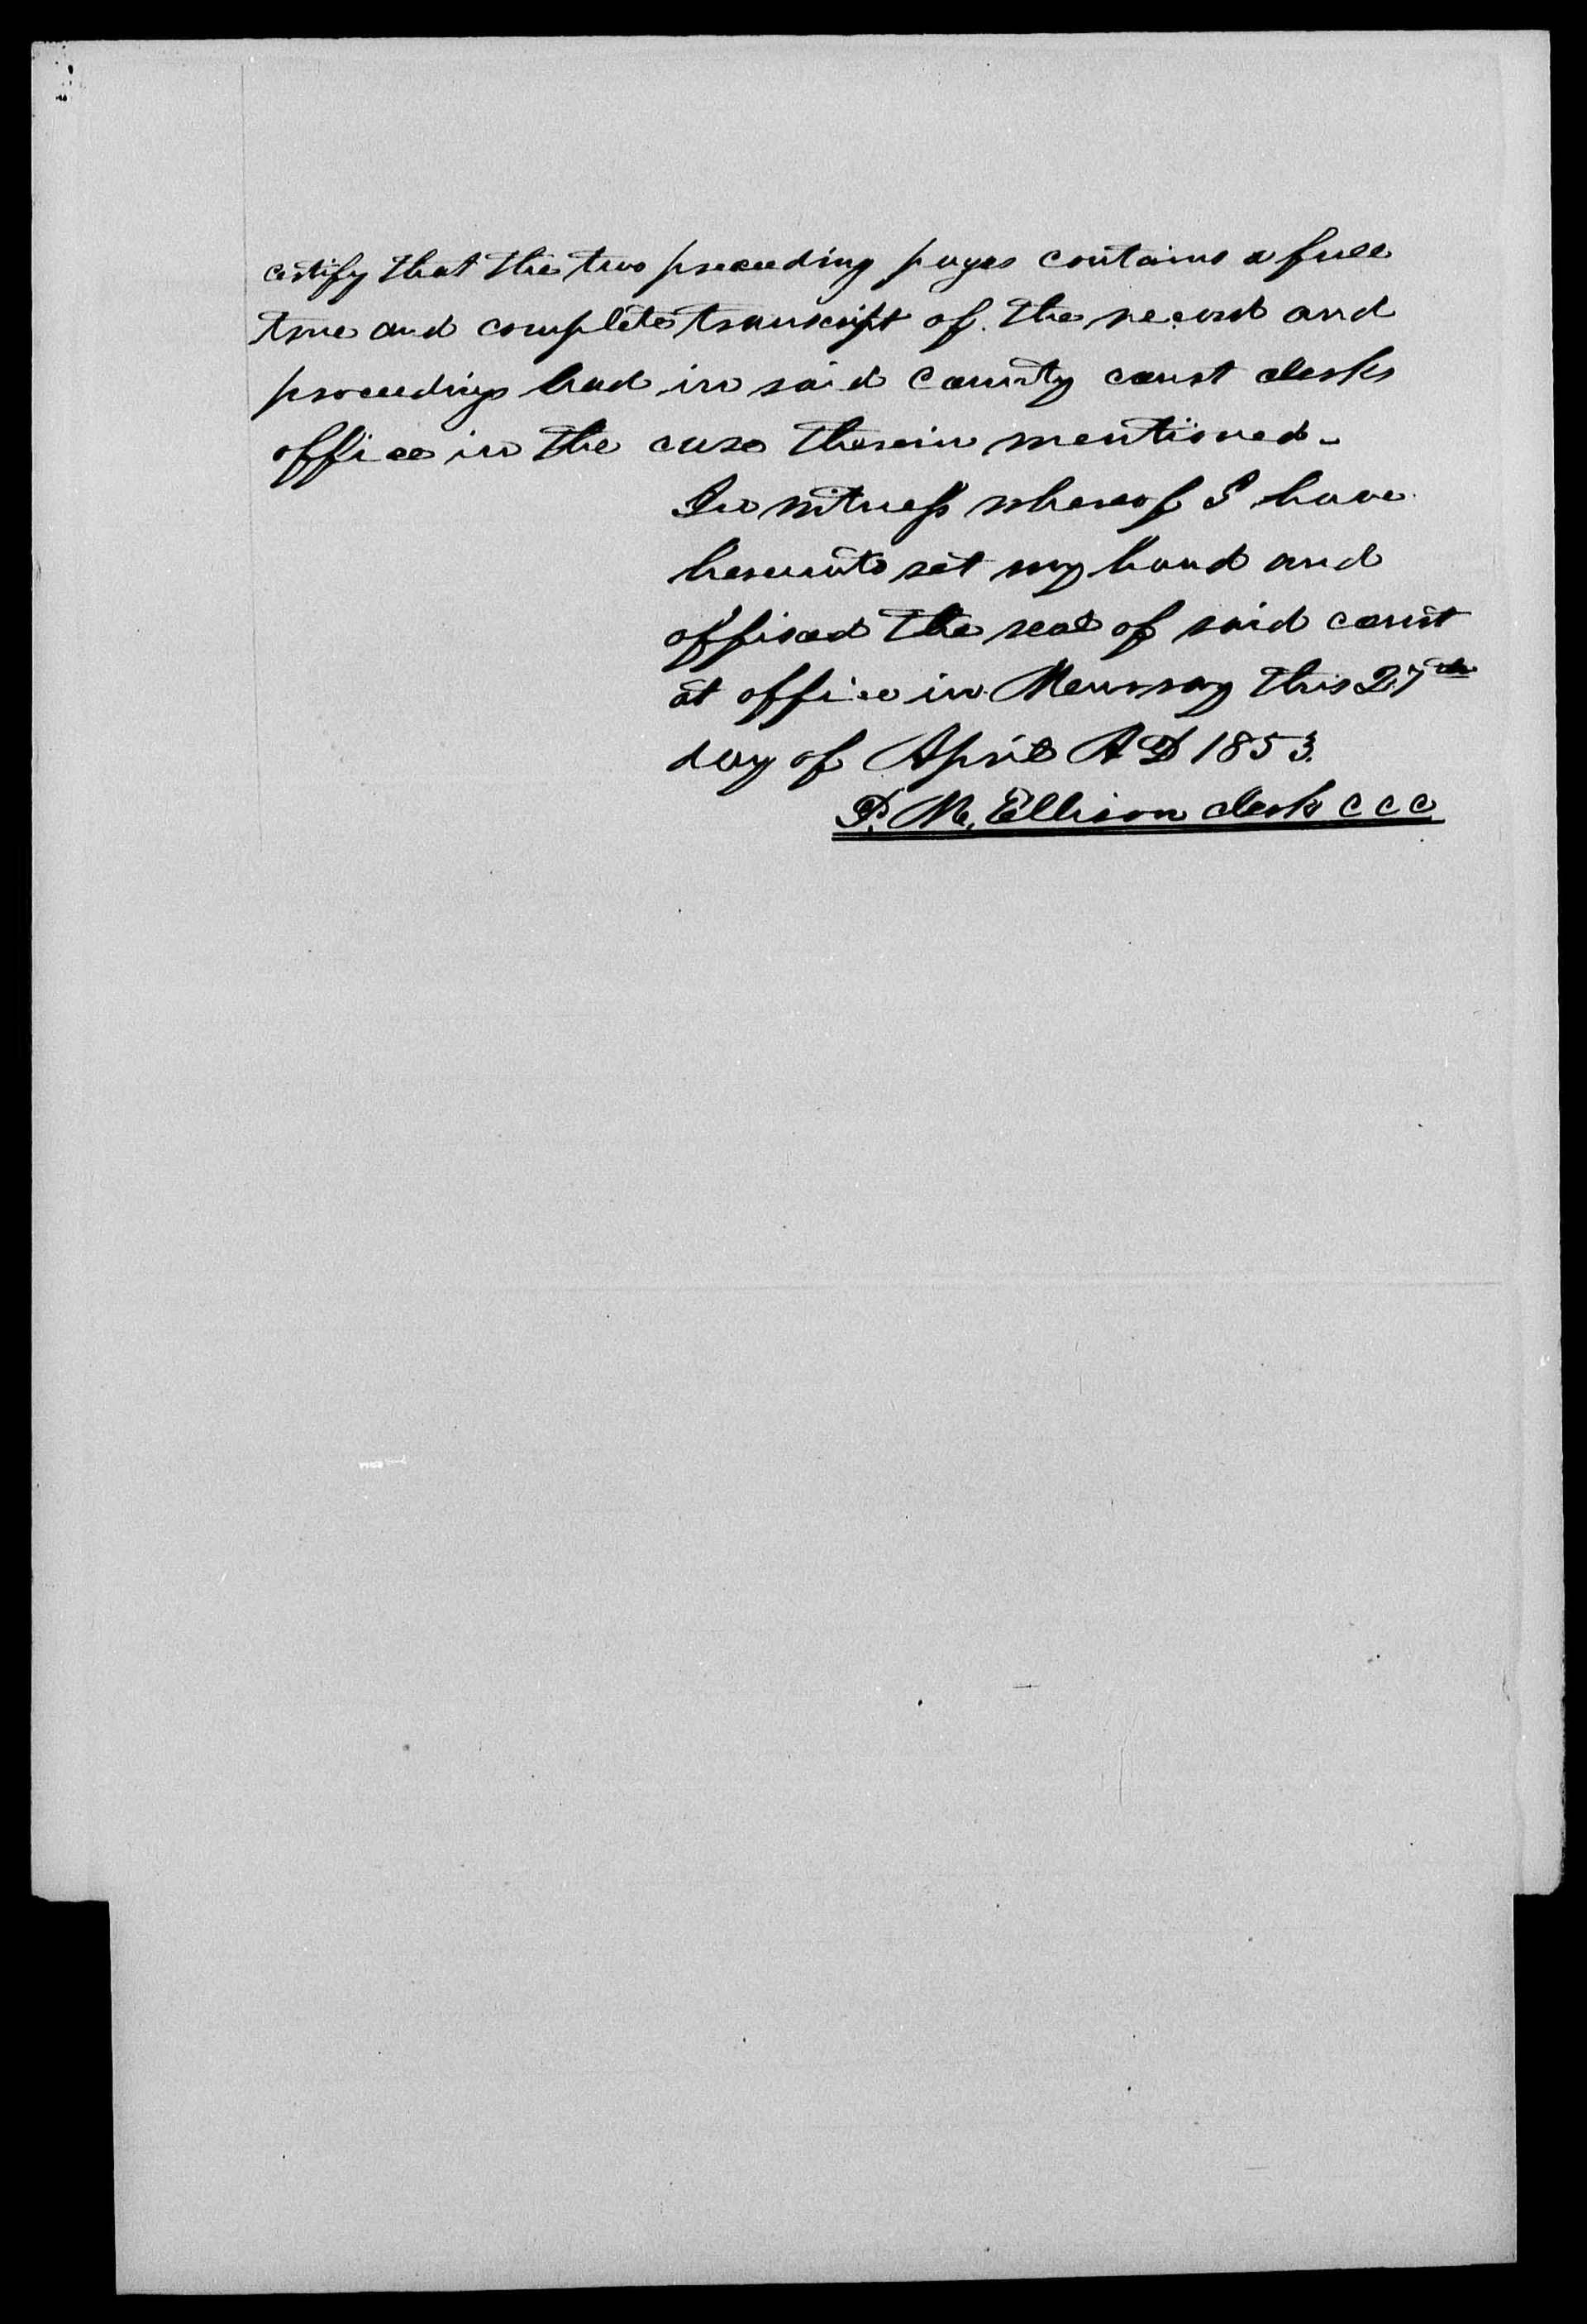Certify that the two preceding pages contain a full true and complete transcript of the record and proceedings had in said county court clerks office in the case therein mentioned.


In witness whereof I have hereunto set my hand and affixed the seal of said court at office in [illegible] this 27th day of April AD 1853.
P. M. Ellison Clerk C C C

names: P M Ellison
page: 27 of 51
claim: widow's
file: W. 27,409, William Dunnington, Md.